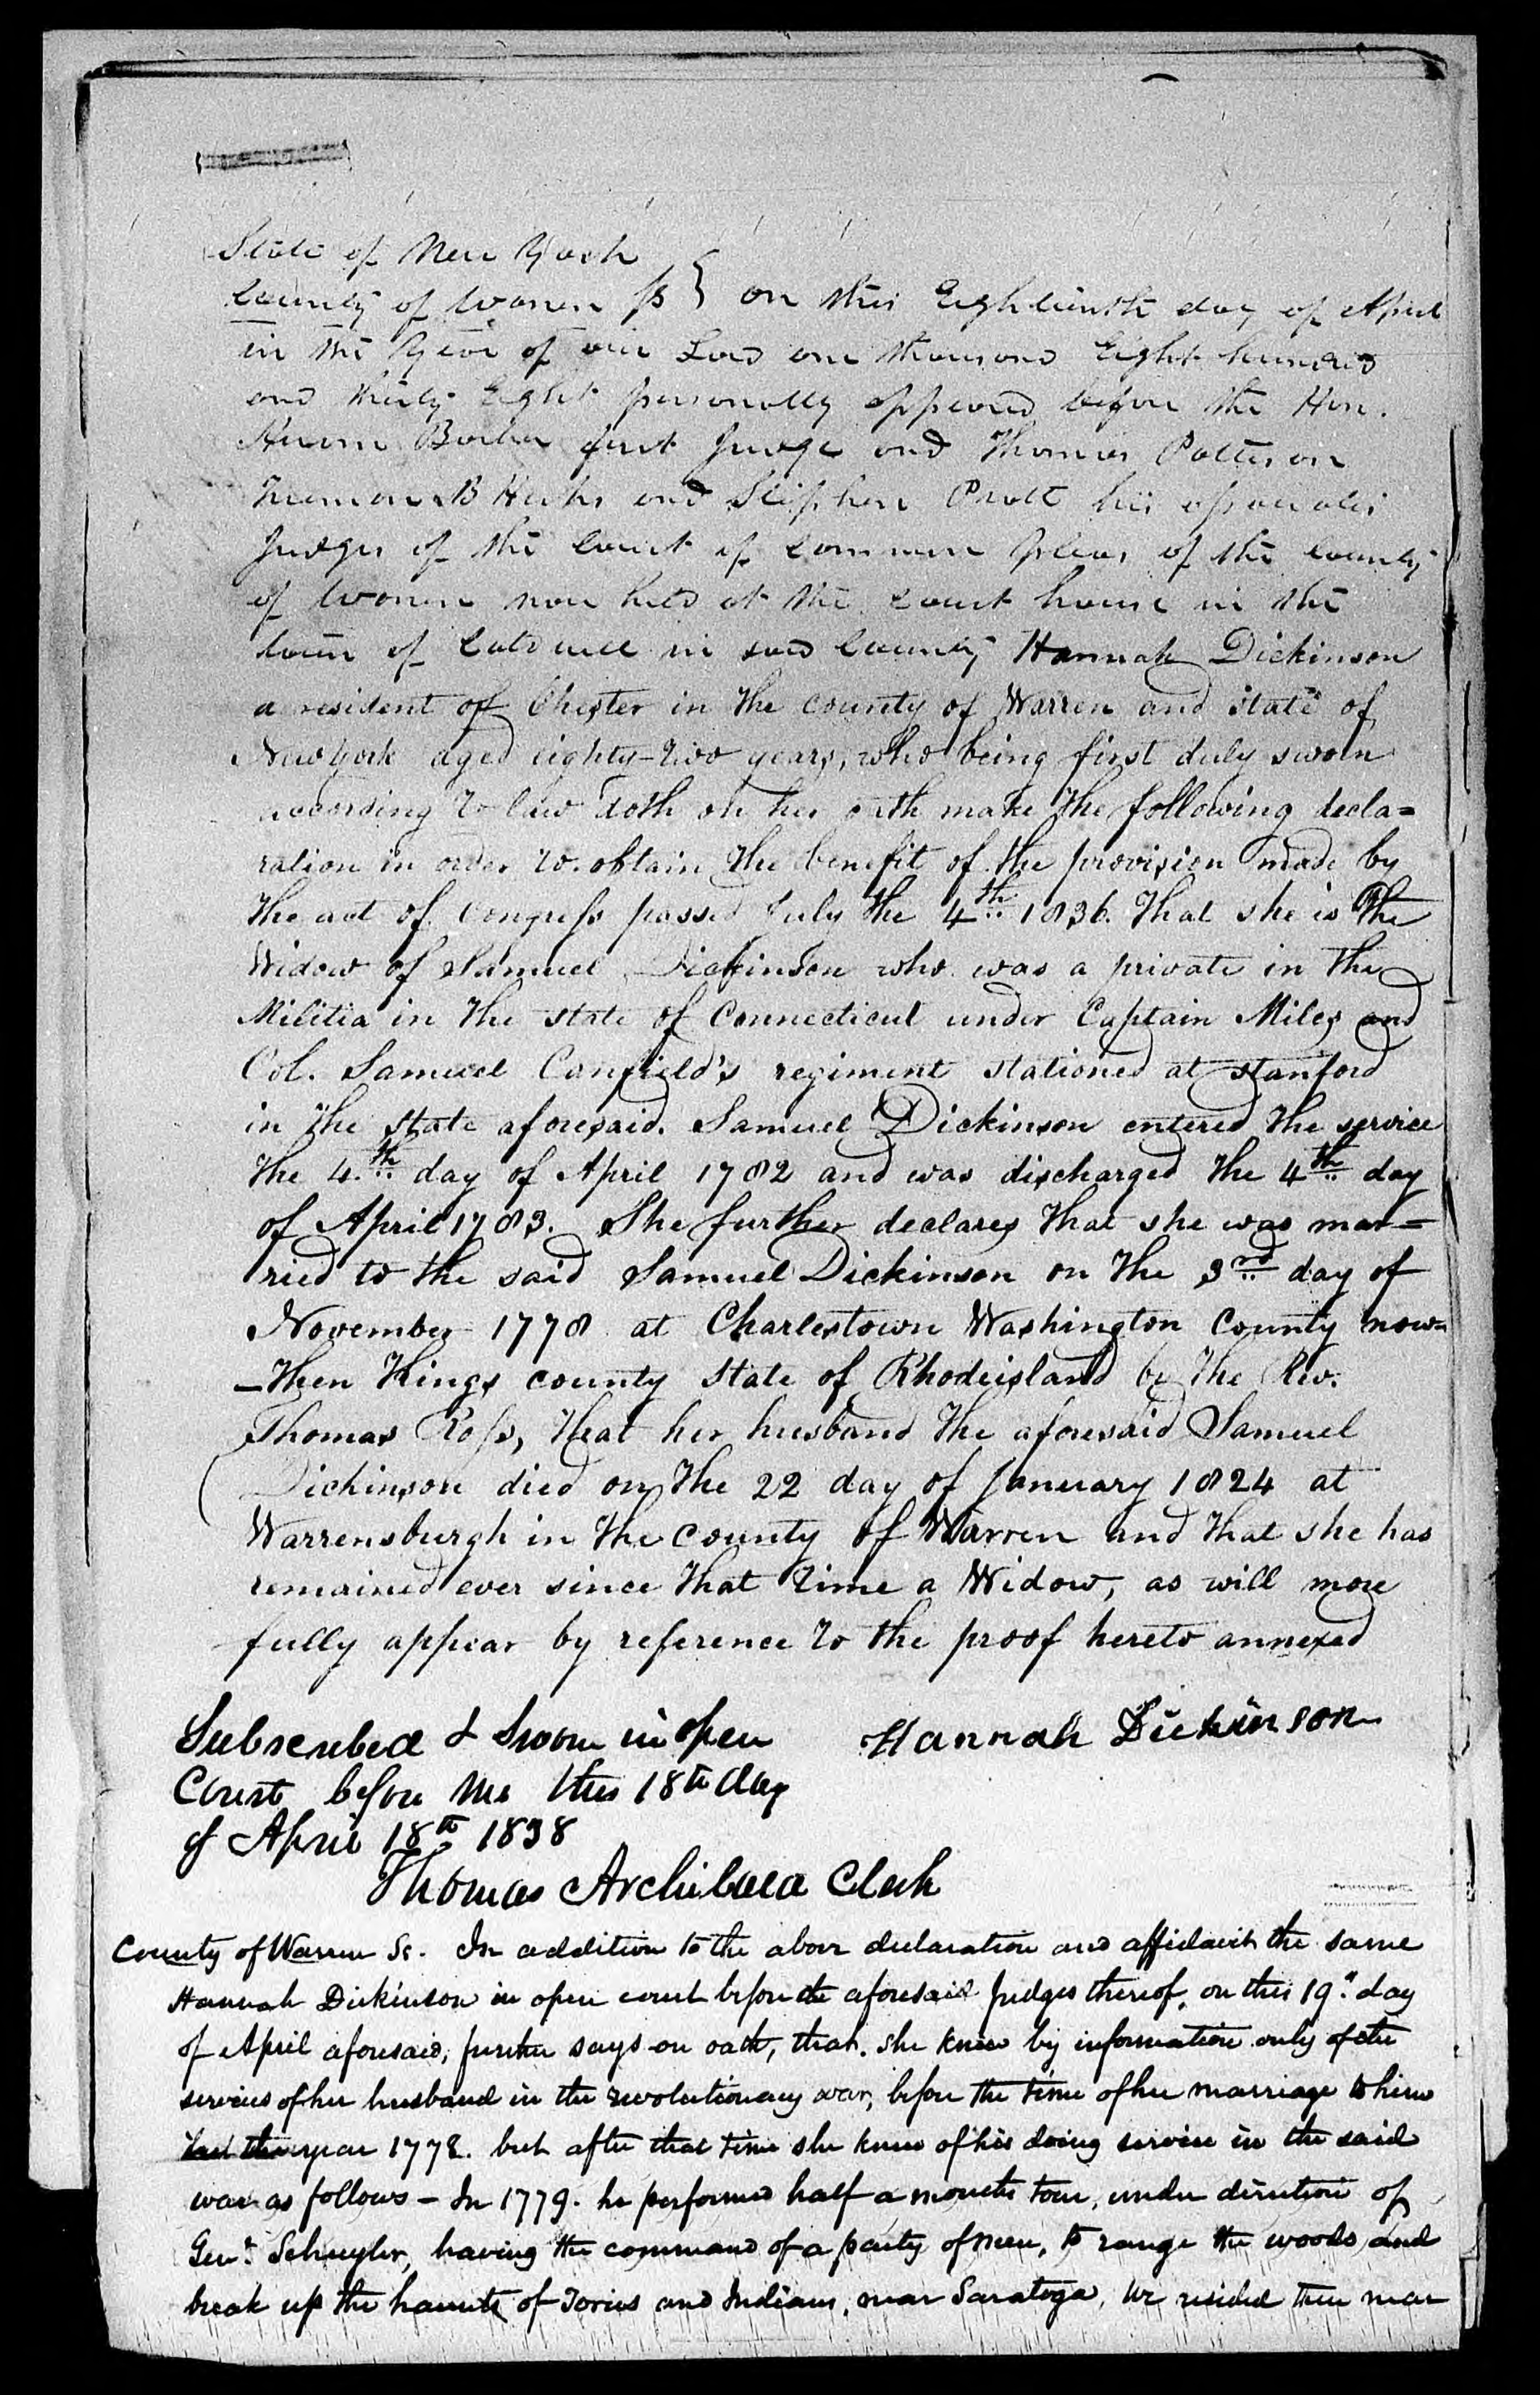State of New York
County of Warren  JS
on this Eighteenth day of April
in the year of our Lord one thousand Eight hundred
and thirty Eight personally appeared before the Hon.
Henry Barber first Judge and Thomas Patterson
Juror B Hicks, and Stephen Probe his [illegible]
Judges of the Court of Common pleas of the County
of Warren now held at the Court house in the
town of Caldwell in said County Hannah Dickinson
a resident of Chester in the County of Warren and State of
New York aged eighty-two years, who being first duly sworn
according to law doth on her oath make the following declaration in order to obtain the benefit of the provision made by
the act of Congress passed July the 4th 1836. That she is the
Widow of Samuel Dickinson who was a private in the
Militia in the state of Connecticut under Captain Miller and
Col. Samuel Canfield's Regiment stationed at Stanford
in the State aforesaid, Samuel Dickinson entered the service
the 4th day of April 1782 and was discharged the 4th day
of April 1783. She further declares that she was married to the said Samuel Dickinson on the 3rd day of
November 1778 at Charlestown Washington County now -
then Kings County State of Rhodeisland by the Rev.
Thomas Ross, that her husband the aforesaid Samuel
Dickinson died on the 22 day of January 1824 at
Warrensburgh in the County of Warren and that she has
remained ever since that time a Widow, as will more
fully appear by reference to the proof hereto annexed
Hannah Dickinson

Subscribed & Sworn in open
Court before me this 18th day
of April 18th 1838
Thomas Archibald    Clerk
-
County of Warren Ss. In addition to the above declaration and affidavit the same
Hannah Dickinson in open court before the aforesaid Judge thereof, on this 19th day
of April aforesaid, further says on oath, that she knew by information only of the
services of her husband in the revolutionary war, before the time of her marriage to him the year 1778, but after that time she knew of his doing service in the said
war as follows - In 1779 he performed half a months tour under direction of
Genl Schuyler, having the command of a party of men, to range the woods and
break up the haunts of Tories and Indians, near Saratoga, we resided thus man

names: Schuyler, Samuel Dickinson, Samuel Dickinson, Samuel Dickinson, Hannah Dickinson, Thomas Ross, Hannah Dickinson, Samuel Dickinson, Stephen Pratt, Hiram Barber, Hannah Dickinson, Truman B Hicks, Thomas Patteson, Thomas Archibald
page: 46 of 60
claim: widow's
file: W 16,955, Samuel Dickinson, Conn.